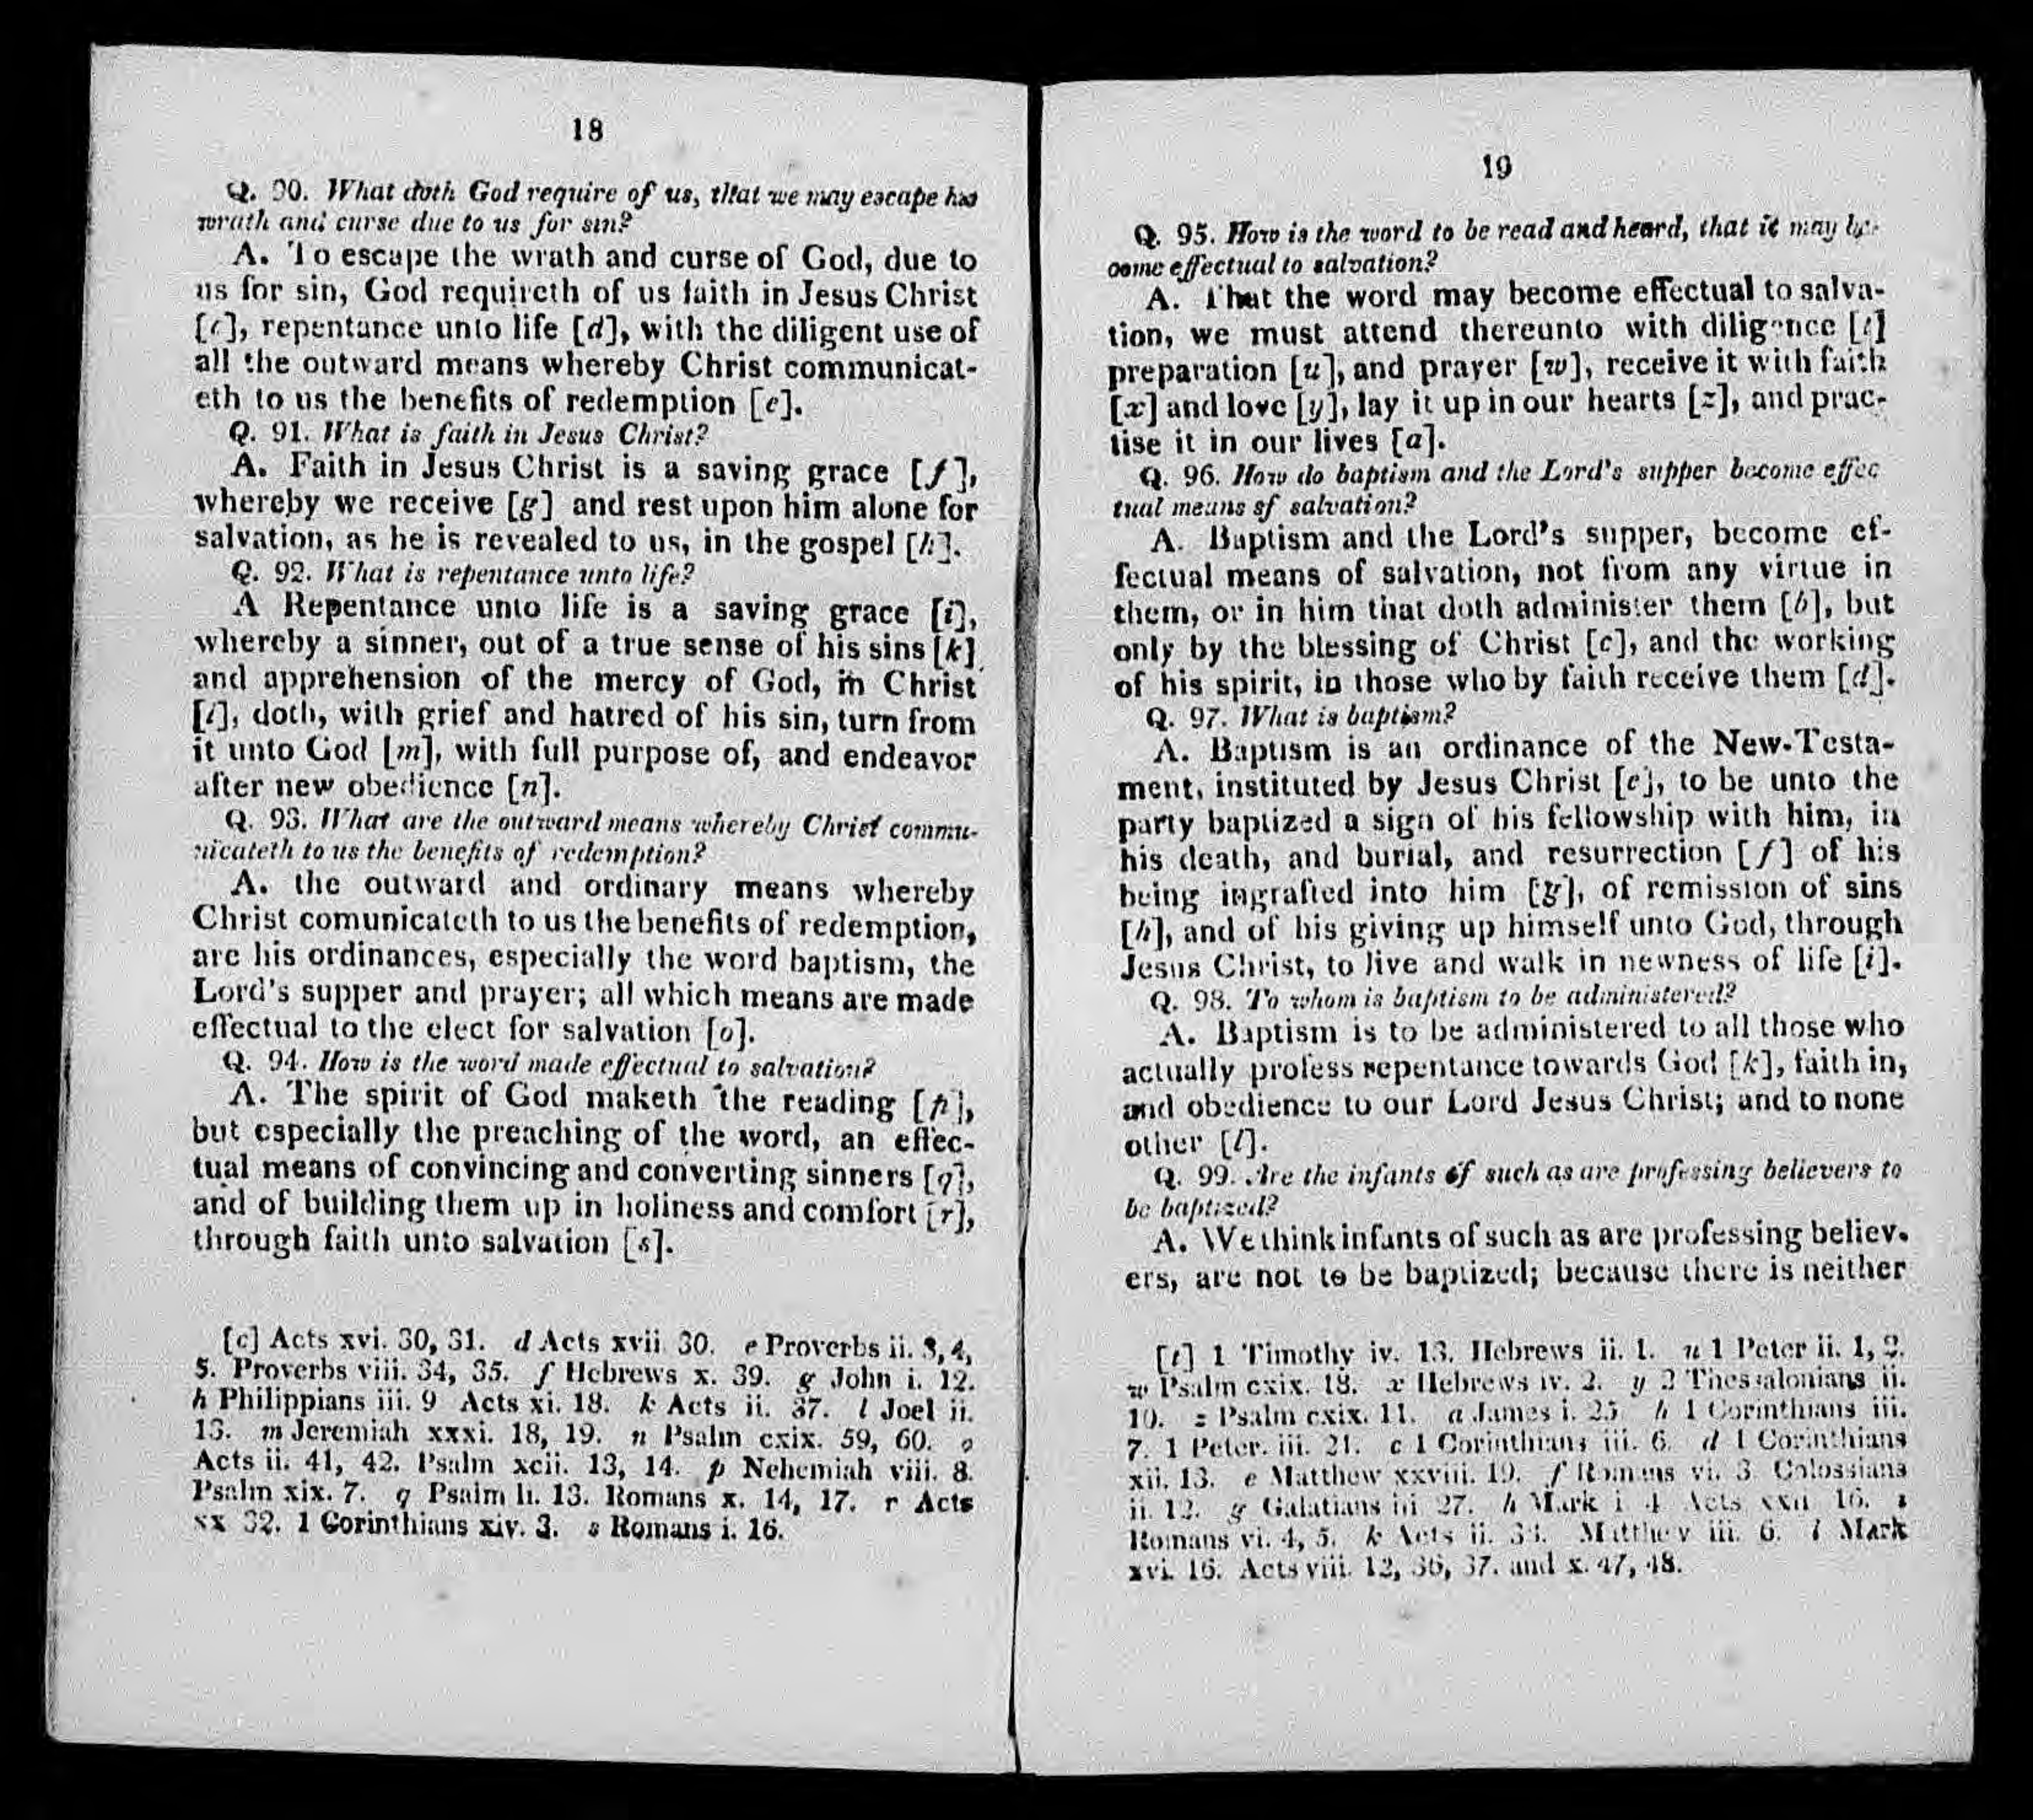18
Q. 90. What doth God require of us, that we may escape has wrath and curse due to us for sin?
A. To escape the wrath and curse of God, due to us for sin, God requireth of us faith in Jesus Christ [c], repentance unto life [d], with the diligent use of all the outward means whereby Christ communicateth to us the benefits of redemption [e].
Q. 91. What is faith in Jesus Christ?
A. Faith in Jesus Christ is a saving grace [f], whereby we receive [g] and rest upon him alone for salvation, as he is revealed to us, in the gospel [h].
Q. 92. What is repentance unto life?
A. Repentance unto life is a saving grace [i], whereby a sinner, out of a true sense of his sins [k], and apprehension of the mercy of God, in Christ [l], doth, with grief and hatred of his sin, turn from it unto God [m], with full purpose of, and endeavor after new obedience [n].
Q. 93. What are the outward means whereby Christ communicateth to us the benefits of redemption?
A. The outward and ordinary means whereby Christ communicateth to us the benefits of redemption, are his ordinances, especially the word baptism, the Lord's supper and prayer; all which means are made
effectual to the elect for salvation [o].
Q. 94. How is the word made effectual to salvation?
A. The spirit of God maketh the reading [p], but especially the preaching of the word, an effectual means of convincing and converting sinners [q], and of building them up in holiness and comfort [r],
through faith unto salvation [s].

[c] Acts xvi. 30, 31. d Acts xvii 30. e Proverbs ii. 3, 4, 5. Proverbs viii. 34, 35. f Hebrews x. 39. g John i. 12. h Philippians iii. 9. Acts xi. 18. Acts ii. 37. l Joel ii. 13. m Jeremiah xxxi, 18, 19. n Psalm cxlx. 59, 60. o Acts ii. 41, 42. Psalm xcii, 13, 14. p Nehemiah viii. 8. Psalm xlx. 7. q Psalm li. 13. Romans x. 14, 17. r Acts xx 32, 1 Corinthians xiv. 3. s Romans 1, 16.

19
Q. 95. How is the word to be read and heard, that it may become effectual to salvation?
A. That the word may become effectual to salvation, we must attend thereunto with diligence [t] preparation [u], and prayer [w], received it with faith [x] and love [y], lay it up in our hearts [z], and practise it in our lives [a].
Q. 96. How do baptism and the Lord's supper become effectual means of salvation?
A. Baptism and the Lord's supper become effectual means of salvation, not from any virtue in them or in him that doth administer them [b], but only by the blessing of Christ [c], and the working of his spirit, in those who by faith receive them [d].
Q. 97. What is baptism?
A. Baptism is an ordinance of the New Testament, instituted by Jesus Christ [e], to be unto the party baptized a sign of his fellowship with him, in his death, and burial, and resurrection [f] of his being ingrafted into him [g], of remission of sins [h], and of his giving up himself unto God, through
Jesus Christ, to live and walk in newness of life [i]
Q. 98. To whom is baptism to be administered?
A. Baptism is to be administered to all those who actually profess repentance towards God [k], faith in, and obedience to our Lord Jesus Christ; and to none other [l].
Q. 99. Are the infants of such as are professing believers to be baptized?
A. We think infants of such as are profession believers, are not to be baptized; because there is neither

[t] 1 Timothy iv. 13. Hebrews ii. 1. u 1 Peter ii. 1,2. w Psalm cxix. 18. x Hebrews iv.2. y 2 Thessalonians ii 10. z Psalm cxix. 11. a James i. 25 b 1 Corinthians iii. 7. 1 Peter iii. 21. c 1 Corinthians iii. 6. d 1 Corinthians xii. 13. e Matthew xxviii. 19. f Romans vi. 3 Colossians ii 12. g Galatians iii 27. h Mark i. 4 Acts xxii 16. i Romans vi. 4, 5.  k Acts ii. 33. Matthew iii 6  l Mark xvi. 16. Acts viii 12, 36, 37, and x 47, 48.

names: Timothy, Matthew, James, Matthew, Joel, Mark, Peter, Peter, Jeremiah, John, Mark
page: 70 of 98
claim: widow's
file: W. 8398, William Broadway, S.C.